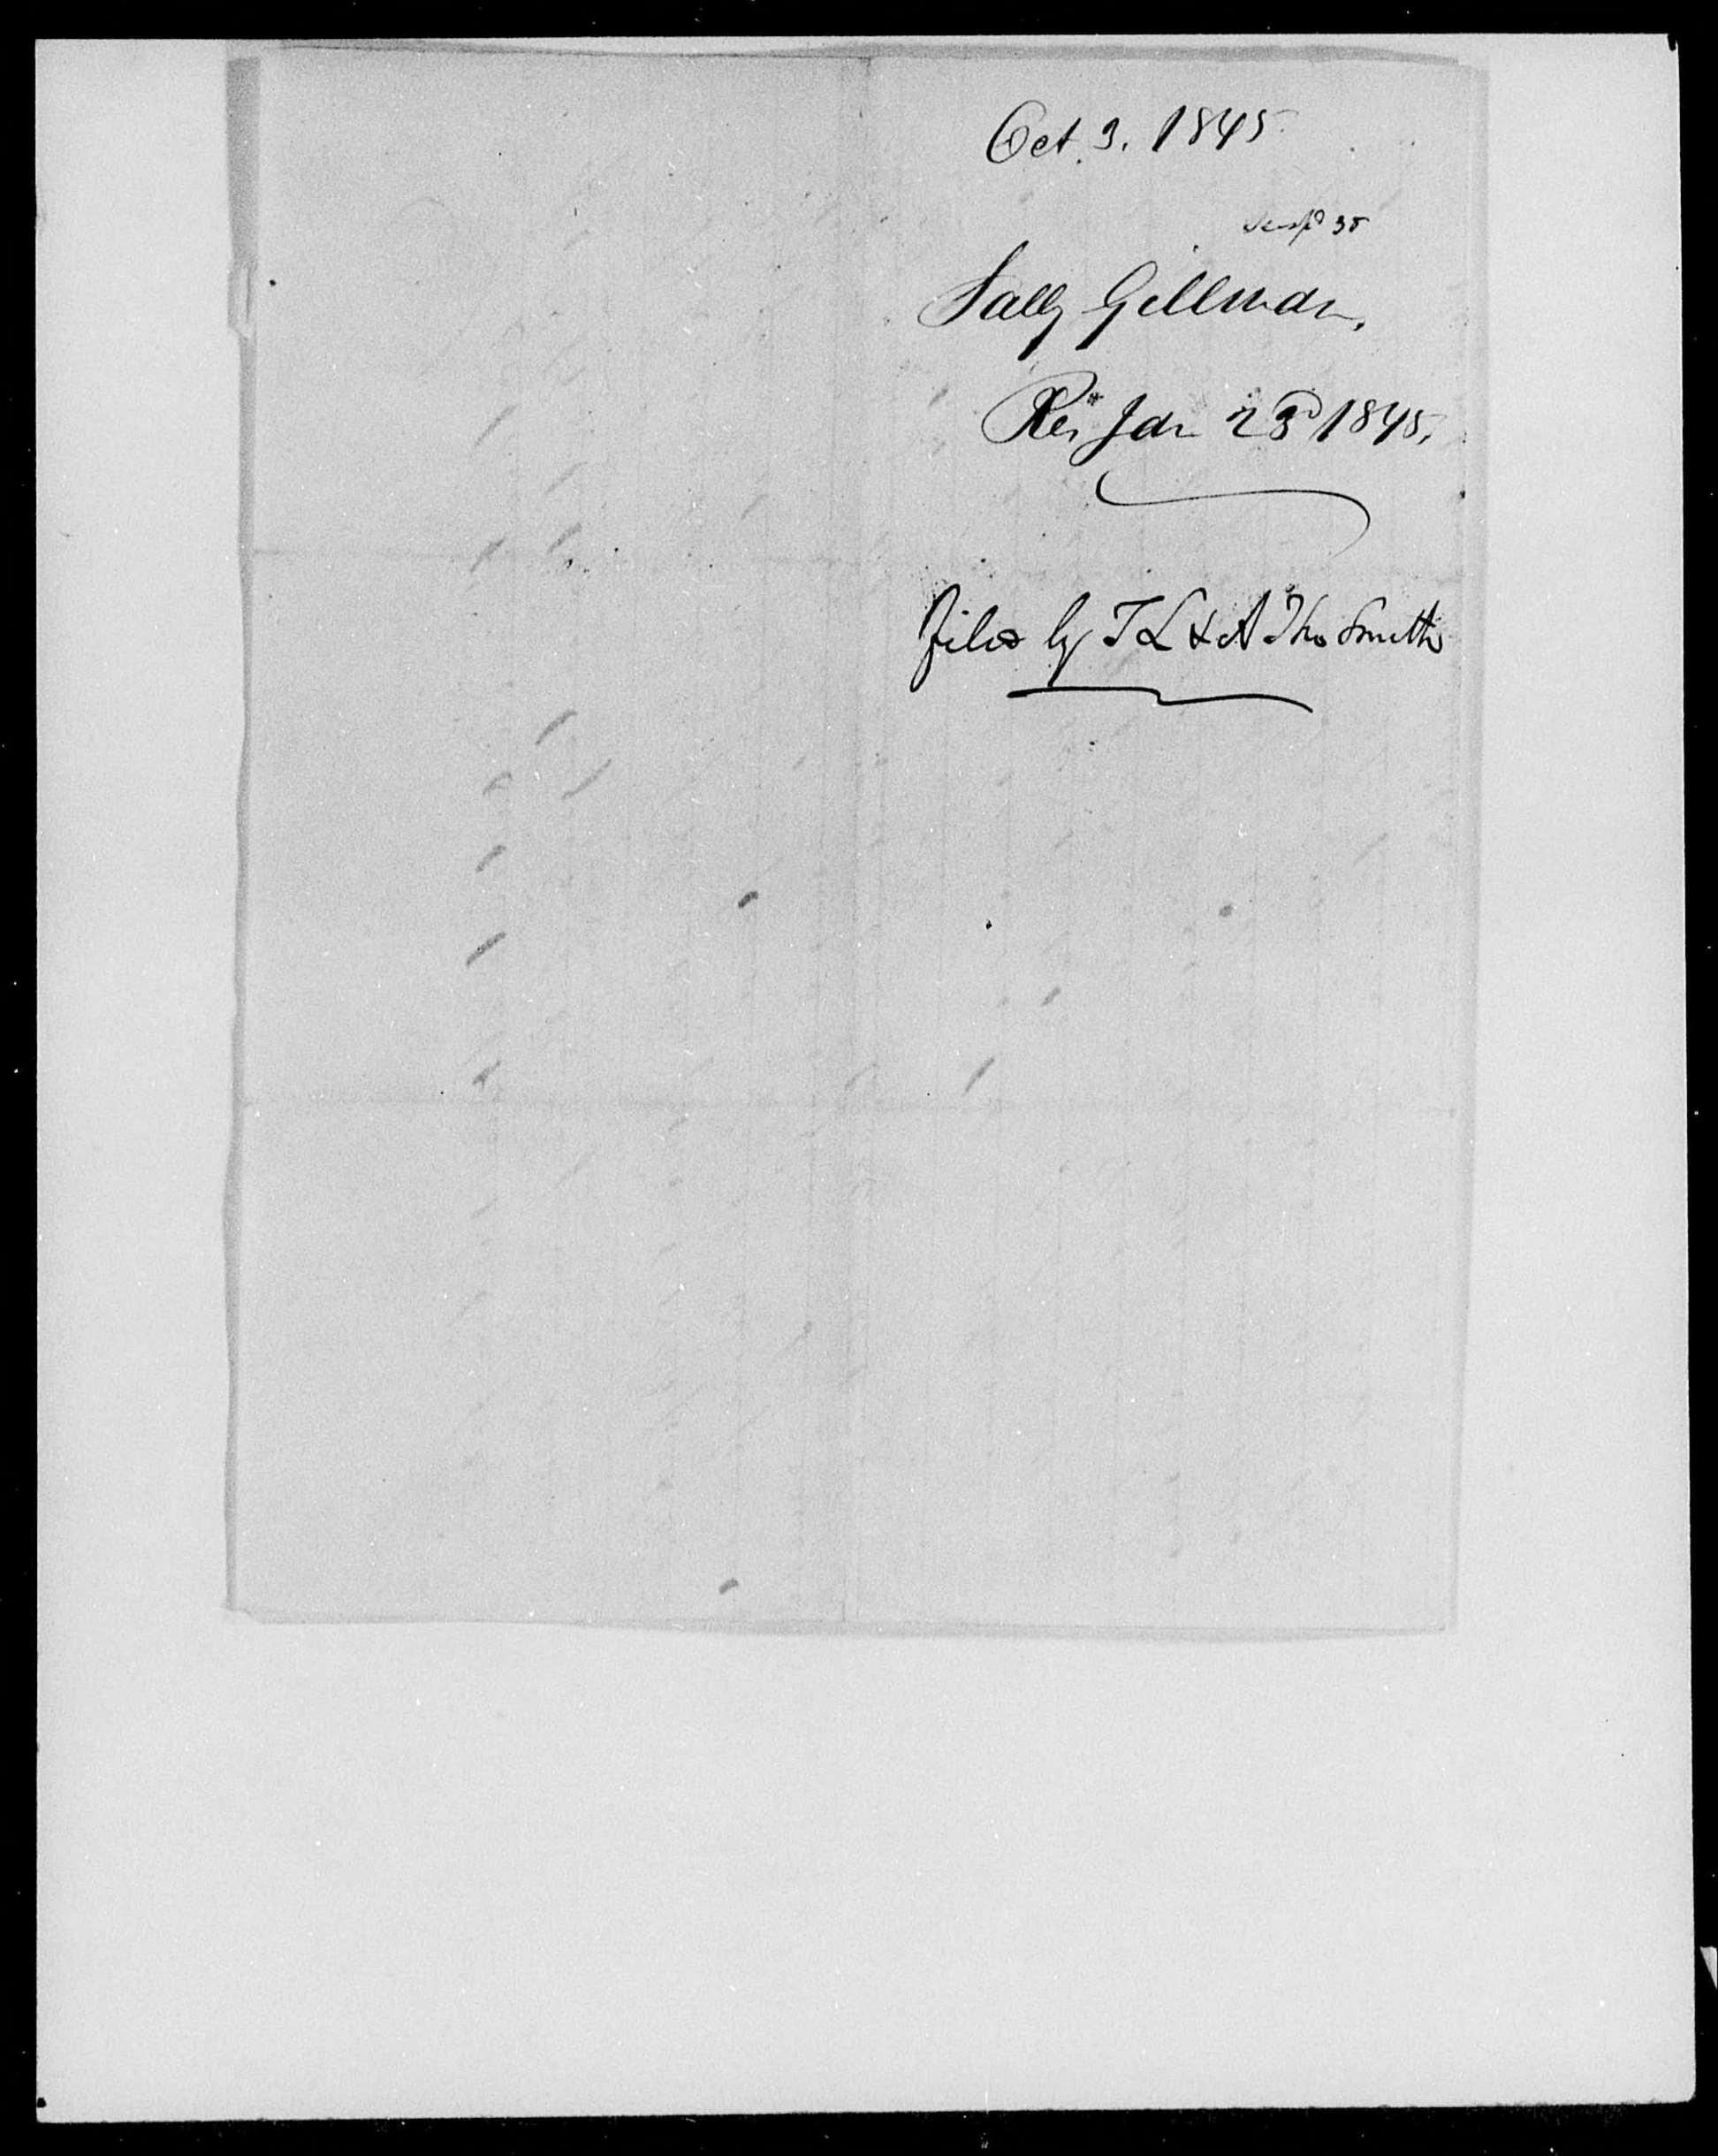Oct 3, 1845
[illeg] 38

Sally Gilman
Re Jan 28 1848

filed by T L & A Tho Smith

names: T L Smith, A Tho Smith, Sally Gillman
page: 28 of 61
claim: widow's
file: W. 19500, Samuel Thing Gilman, Continental N.H.